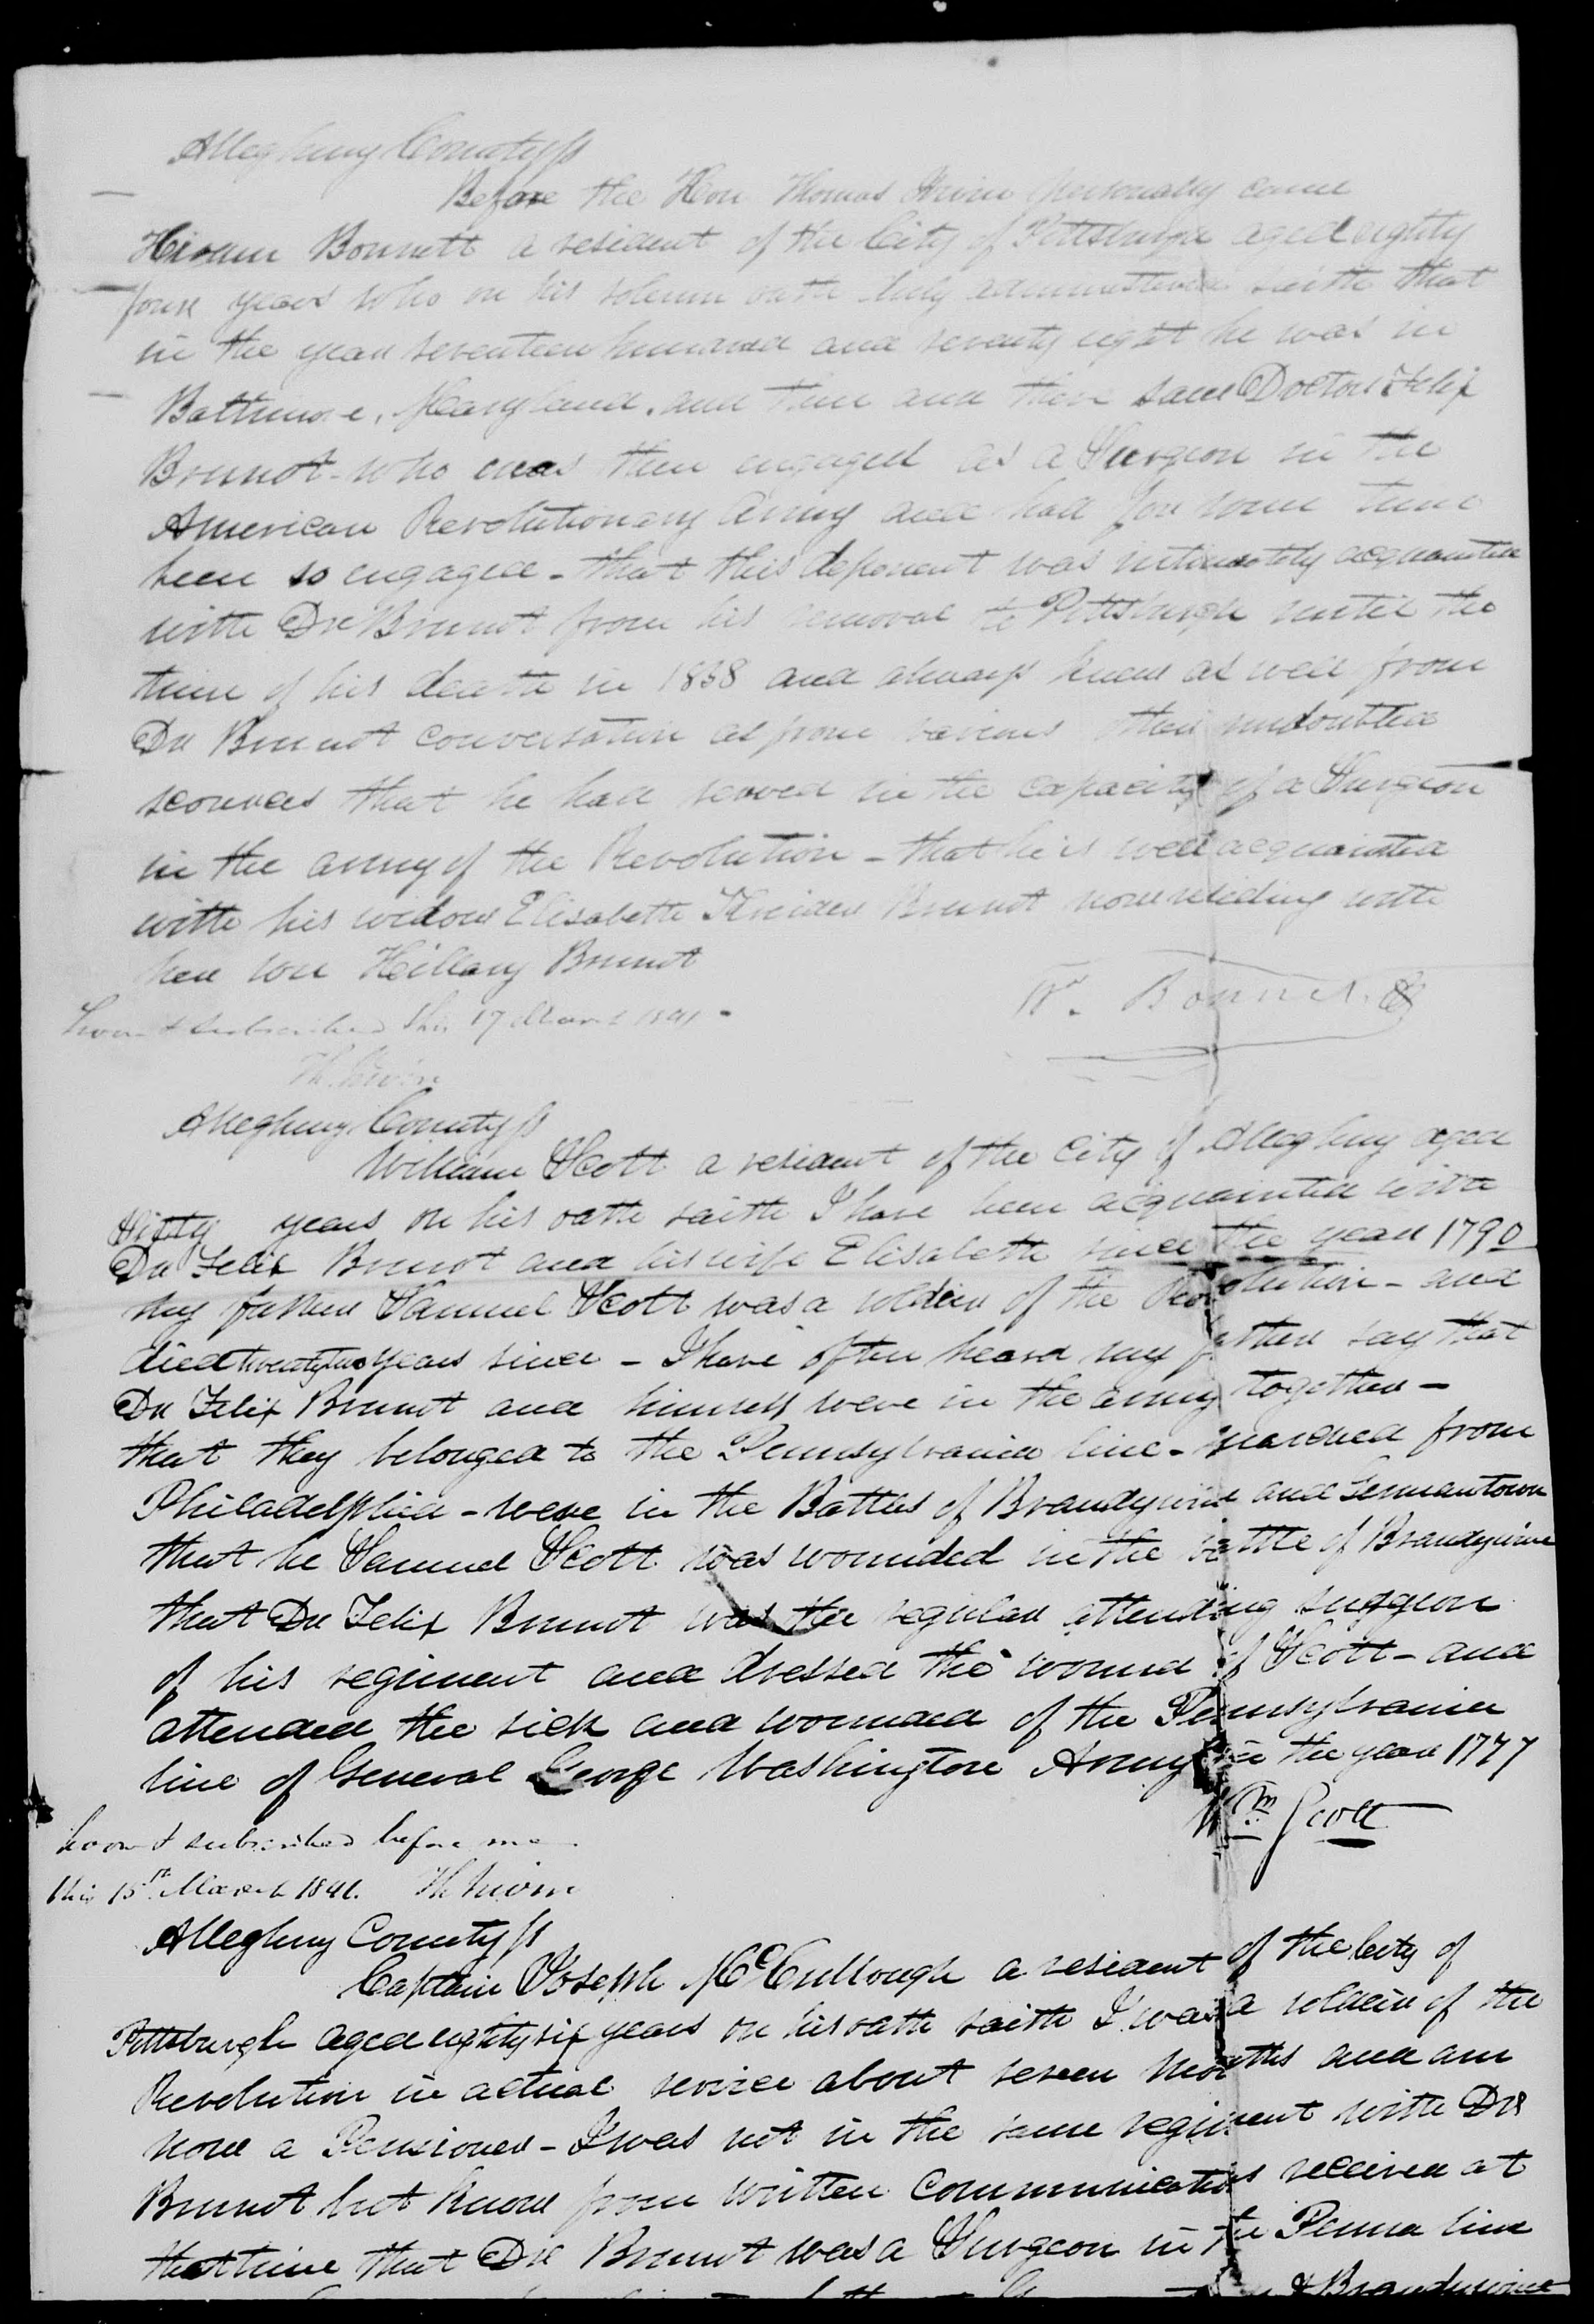Allegheny County of PA
Before the Hon Thomas Irwin [illegible] comes Hiram Bonnett, a resident of the City of Pittsburgh aged eighty four years who on this solemn oath duly [illegible] saith that in the year seventeen hundred and seventy eight he was in Baltimore, Maryland, and there did there said Doctor Felix Brunot who was there engaged as a Surgeon in the American Revolutionary Army and had for some time been so engaged.  That this [illegible] was intimately acquainted with Dr. Brunot from his removal to Pittsburgh until the time of his death in 1838 and always knew as well from Dr. Brunot conversation as from [illegible] their [illegible] that he had served in the capacity of a Surgeon in the army of the Revolution - that he is well acquainted with this widow Elisabeth Kreider Brunot now residing with her son Hillary Brunot.
Sworn and subscribed the 17 March1841     [signature of H. Bonnet]
Th. Irwin
Allegheny County P
  William Scott a resident of the City of Allegheny aged fifty years on his oath saith I have been acquainted with dr. Felix Brunot and his wife Elisabeth since the year 1790.  My father Samuel Scott was a soldier of the Revolution - and died twenty two years since - I have often heard say father say that Dr. Felix Brunot and himself were in the army together - that they belonged to the Pennsylvania line - marched from Philadelphia - were in the Battle of Brandywine and Germantown. That he Samuel Scott was wounded in the Battle of Brandywine that Dr. Felix Brunot was the regular attending surgeon of his regiment and dressed the wounds of Scott - and attended the sick and wounded of the Pennsylvania line of General George Washington Army in the year 1777
Sworn and subscribed before me
this 15th March 1841 Th. Irwin
Allegheny County PA
  Captain Joseph McCullough a resident of the City of Pittsburgh aged eighty six years on his oath saith I was a soldier of the Revolution in actual [illegible] about [illegible] months and am now a Pensioner - I was not in the same with Dr. Brunot but know from written communications received at that time that Dr. Brunot was a Surgeon with Penna line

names: Felix Brunot, Th Irwin, H Bonnet, George Washington, William Scott, Samuel Scott, Brunot, Th Irwin, Brunot, S Scott, Hillary Brunot, Felix Brunot, Elisabeth Kreider Brunot, Wm Scott, Felix Brunot, Felix Brunot, Brunot, Joseph Mc Cullough, Thomas Irwin, Hiram Bonnett, Samuel Scott, Elisabeth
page: 7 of 34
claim: rejected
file: R. 1371, Felix Brunot, Penn.